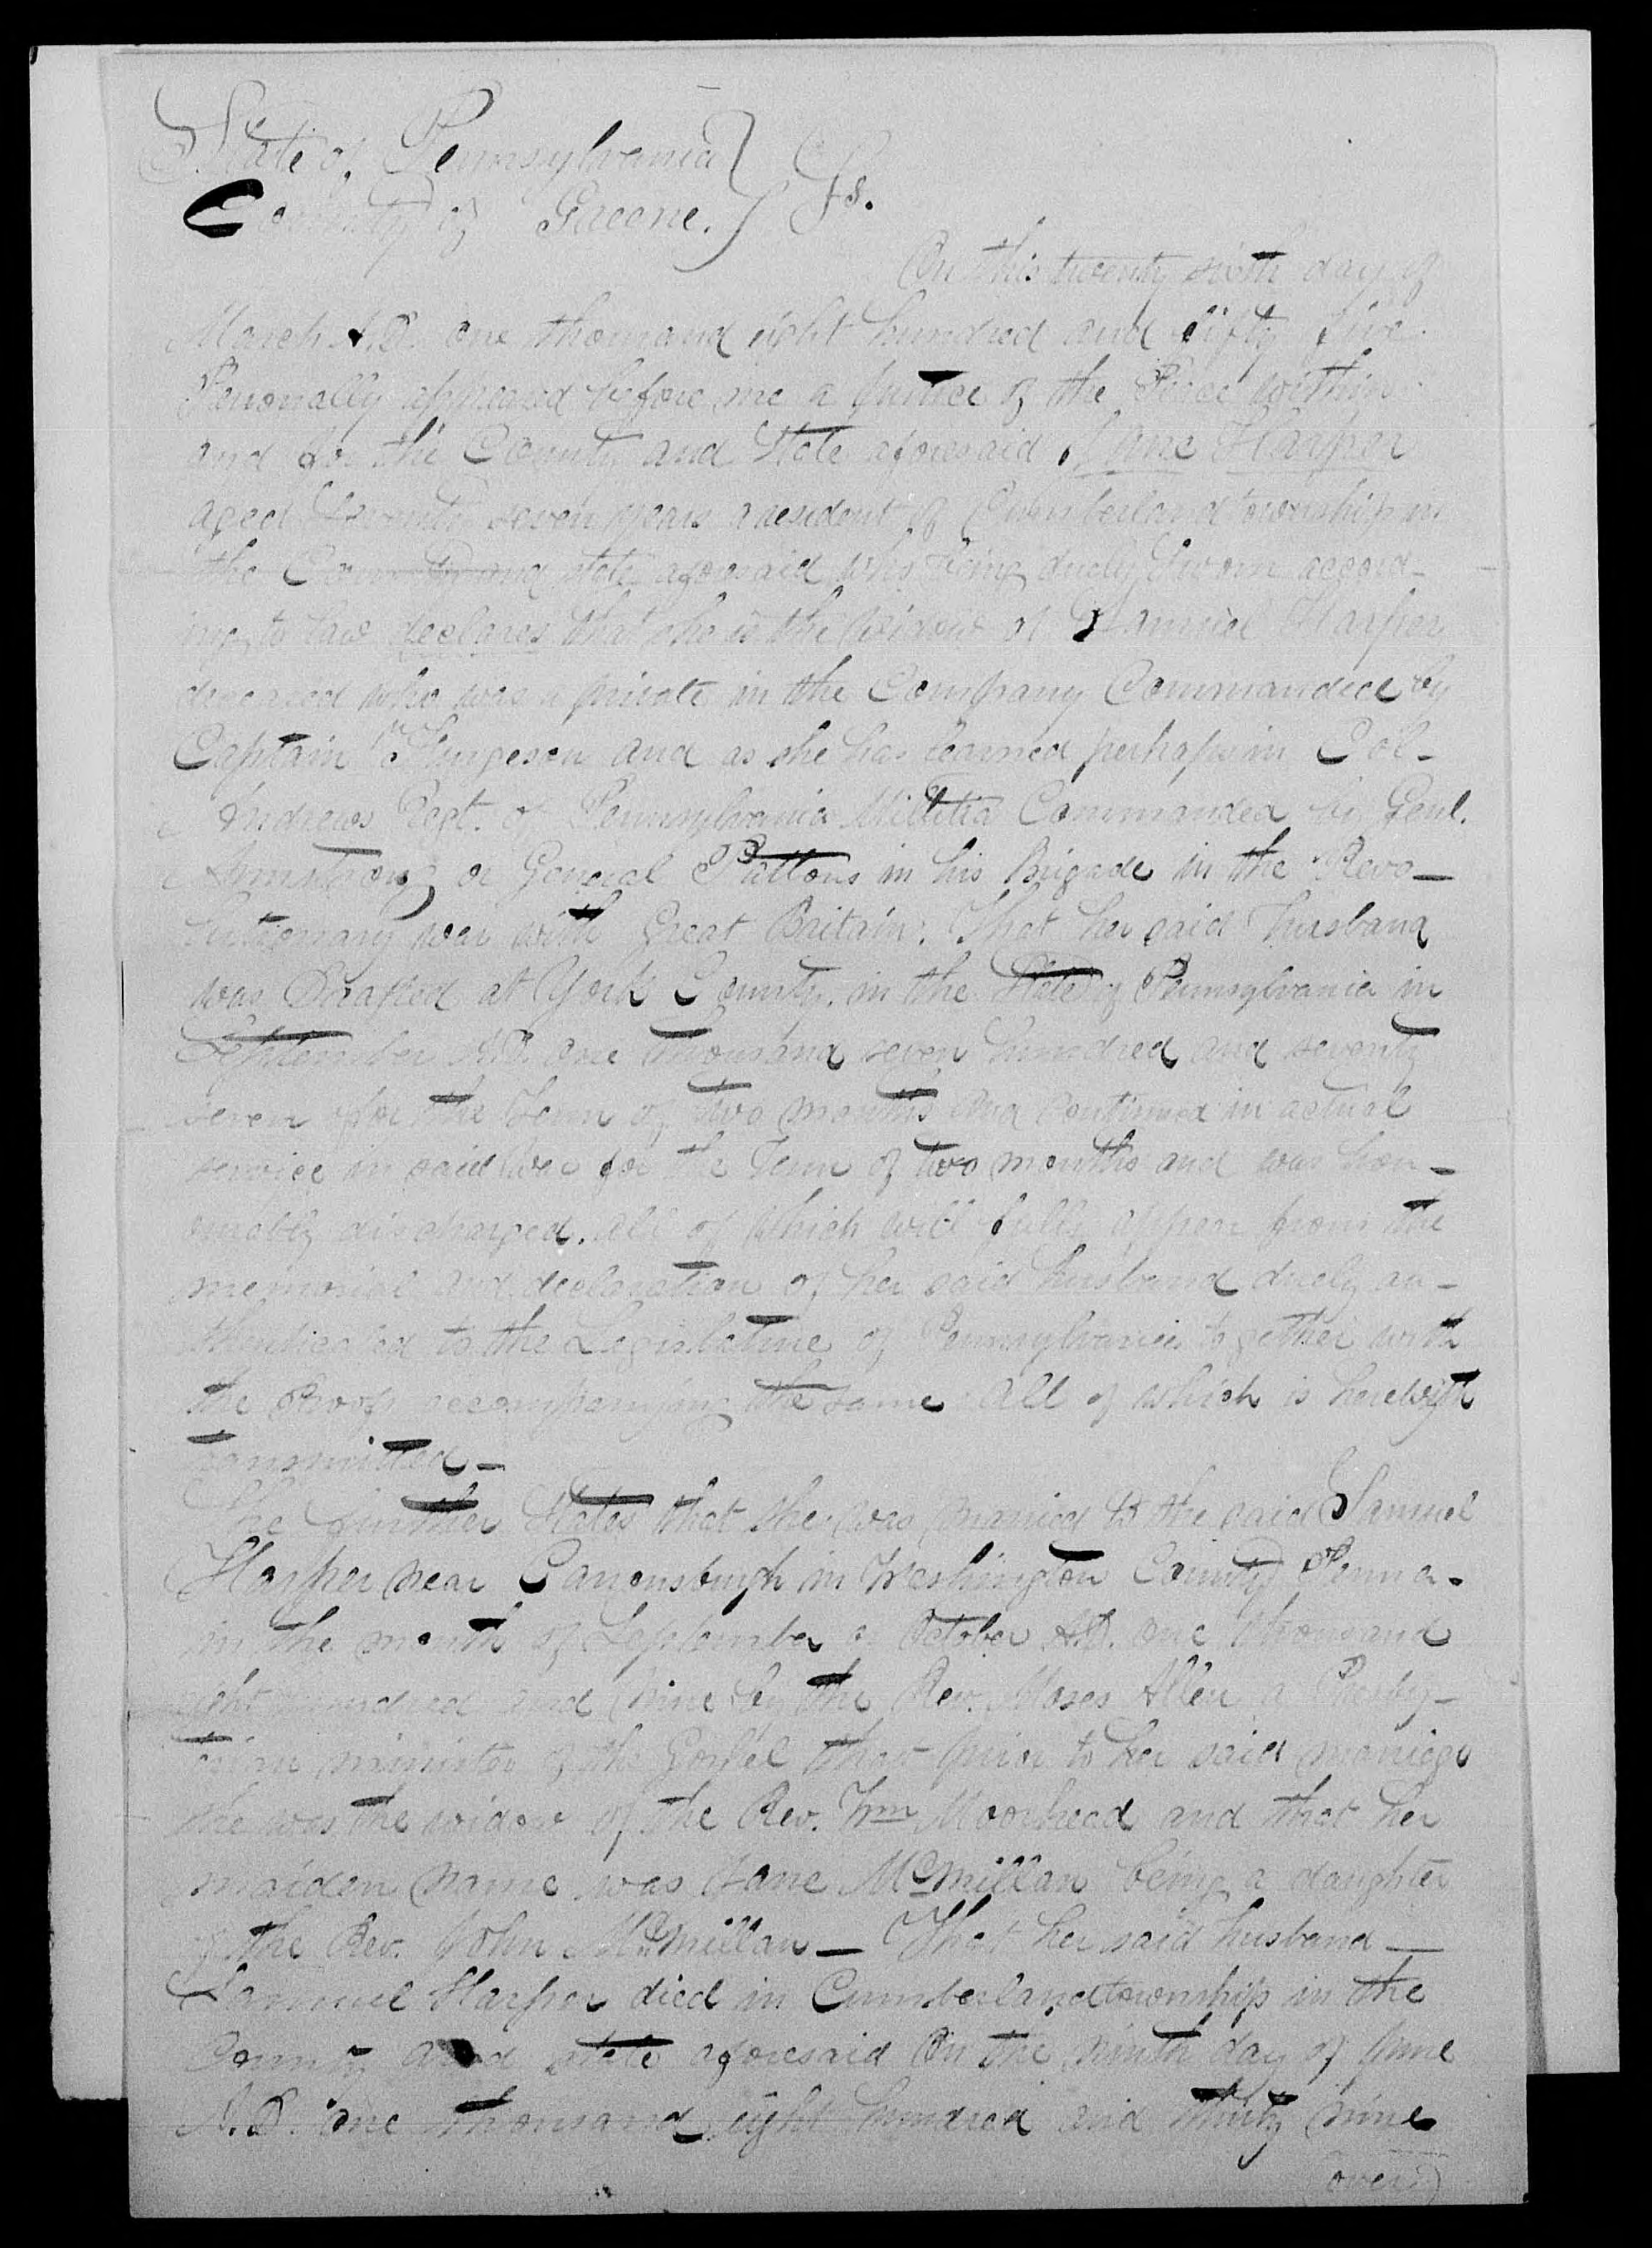State of Pennsylvania
County of Greene
On this twenty sixth day of
March A.D. one thousand eight hundred and fifty five Personally appeared before me a Justice of the Peace within and of the County and State aforesaid Jane Harper
aged Seventy seven years resident of Cumberland township in
the County and state aforesaid who being duly sworn according to law declares that she is the widow of Samuel Harper
deceased who was a private in the Company commanded by Captain Furguson and as she has learned perhaps in or
Andrews Regt of Pennsylvania Militia commanded by Genl.
Armstrong or General Pattons in his Brigade in the Revolutionary war with Great Britain. That her said husband was drafted at York County in the State of Pennsylvania in
September A.D. one thousand seven hundred and seventy seven for the term of two months and continued in actual service in said war for the term of two months and was on
honorably discharged, all of which will fully appear from the memorial and declaration of her said husband duly authenticated
to the Legislature of Pennsylvania together with the proof accompanying the same all of which is herewith transmitted-
She further states that she was married to the said Samuel Harper near Canonsburgh in Washington County Penna
in the month of September or October A.D. one thousand eight hundred and nine by the Rev. Moses Allen a Presbyterian
minister of the Gospel that prior to her said marriage she was the widow of the Rev. Wm Moorhead and that her
Maiden name was Jane McMillan being a daughter of the Rev. John McMillan - That her said husband - Samuel Harper died in Cumberland township in the
County and State aforesaid on the ninth day of June A.D. one thousand eight hundred and thirty nine (over)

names: Moses Allen, Samuel Harper, Patton, Jane Harper, Andrews, Samuel Harper, Samuel Harper, Wm Moorhead, Furgeson, Jane Mc Millan, Armstrong, John Mc Millan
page: 66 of 81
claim: survivor's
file: S. 1908, Richard Harper, N.C.